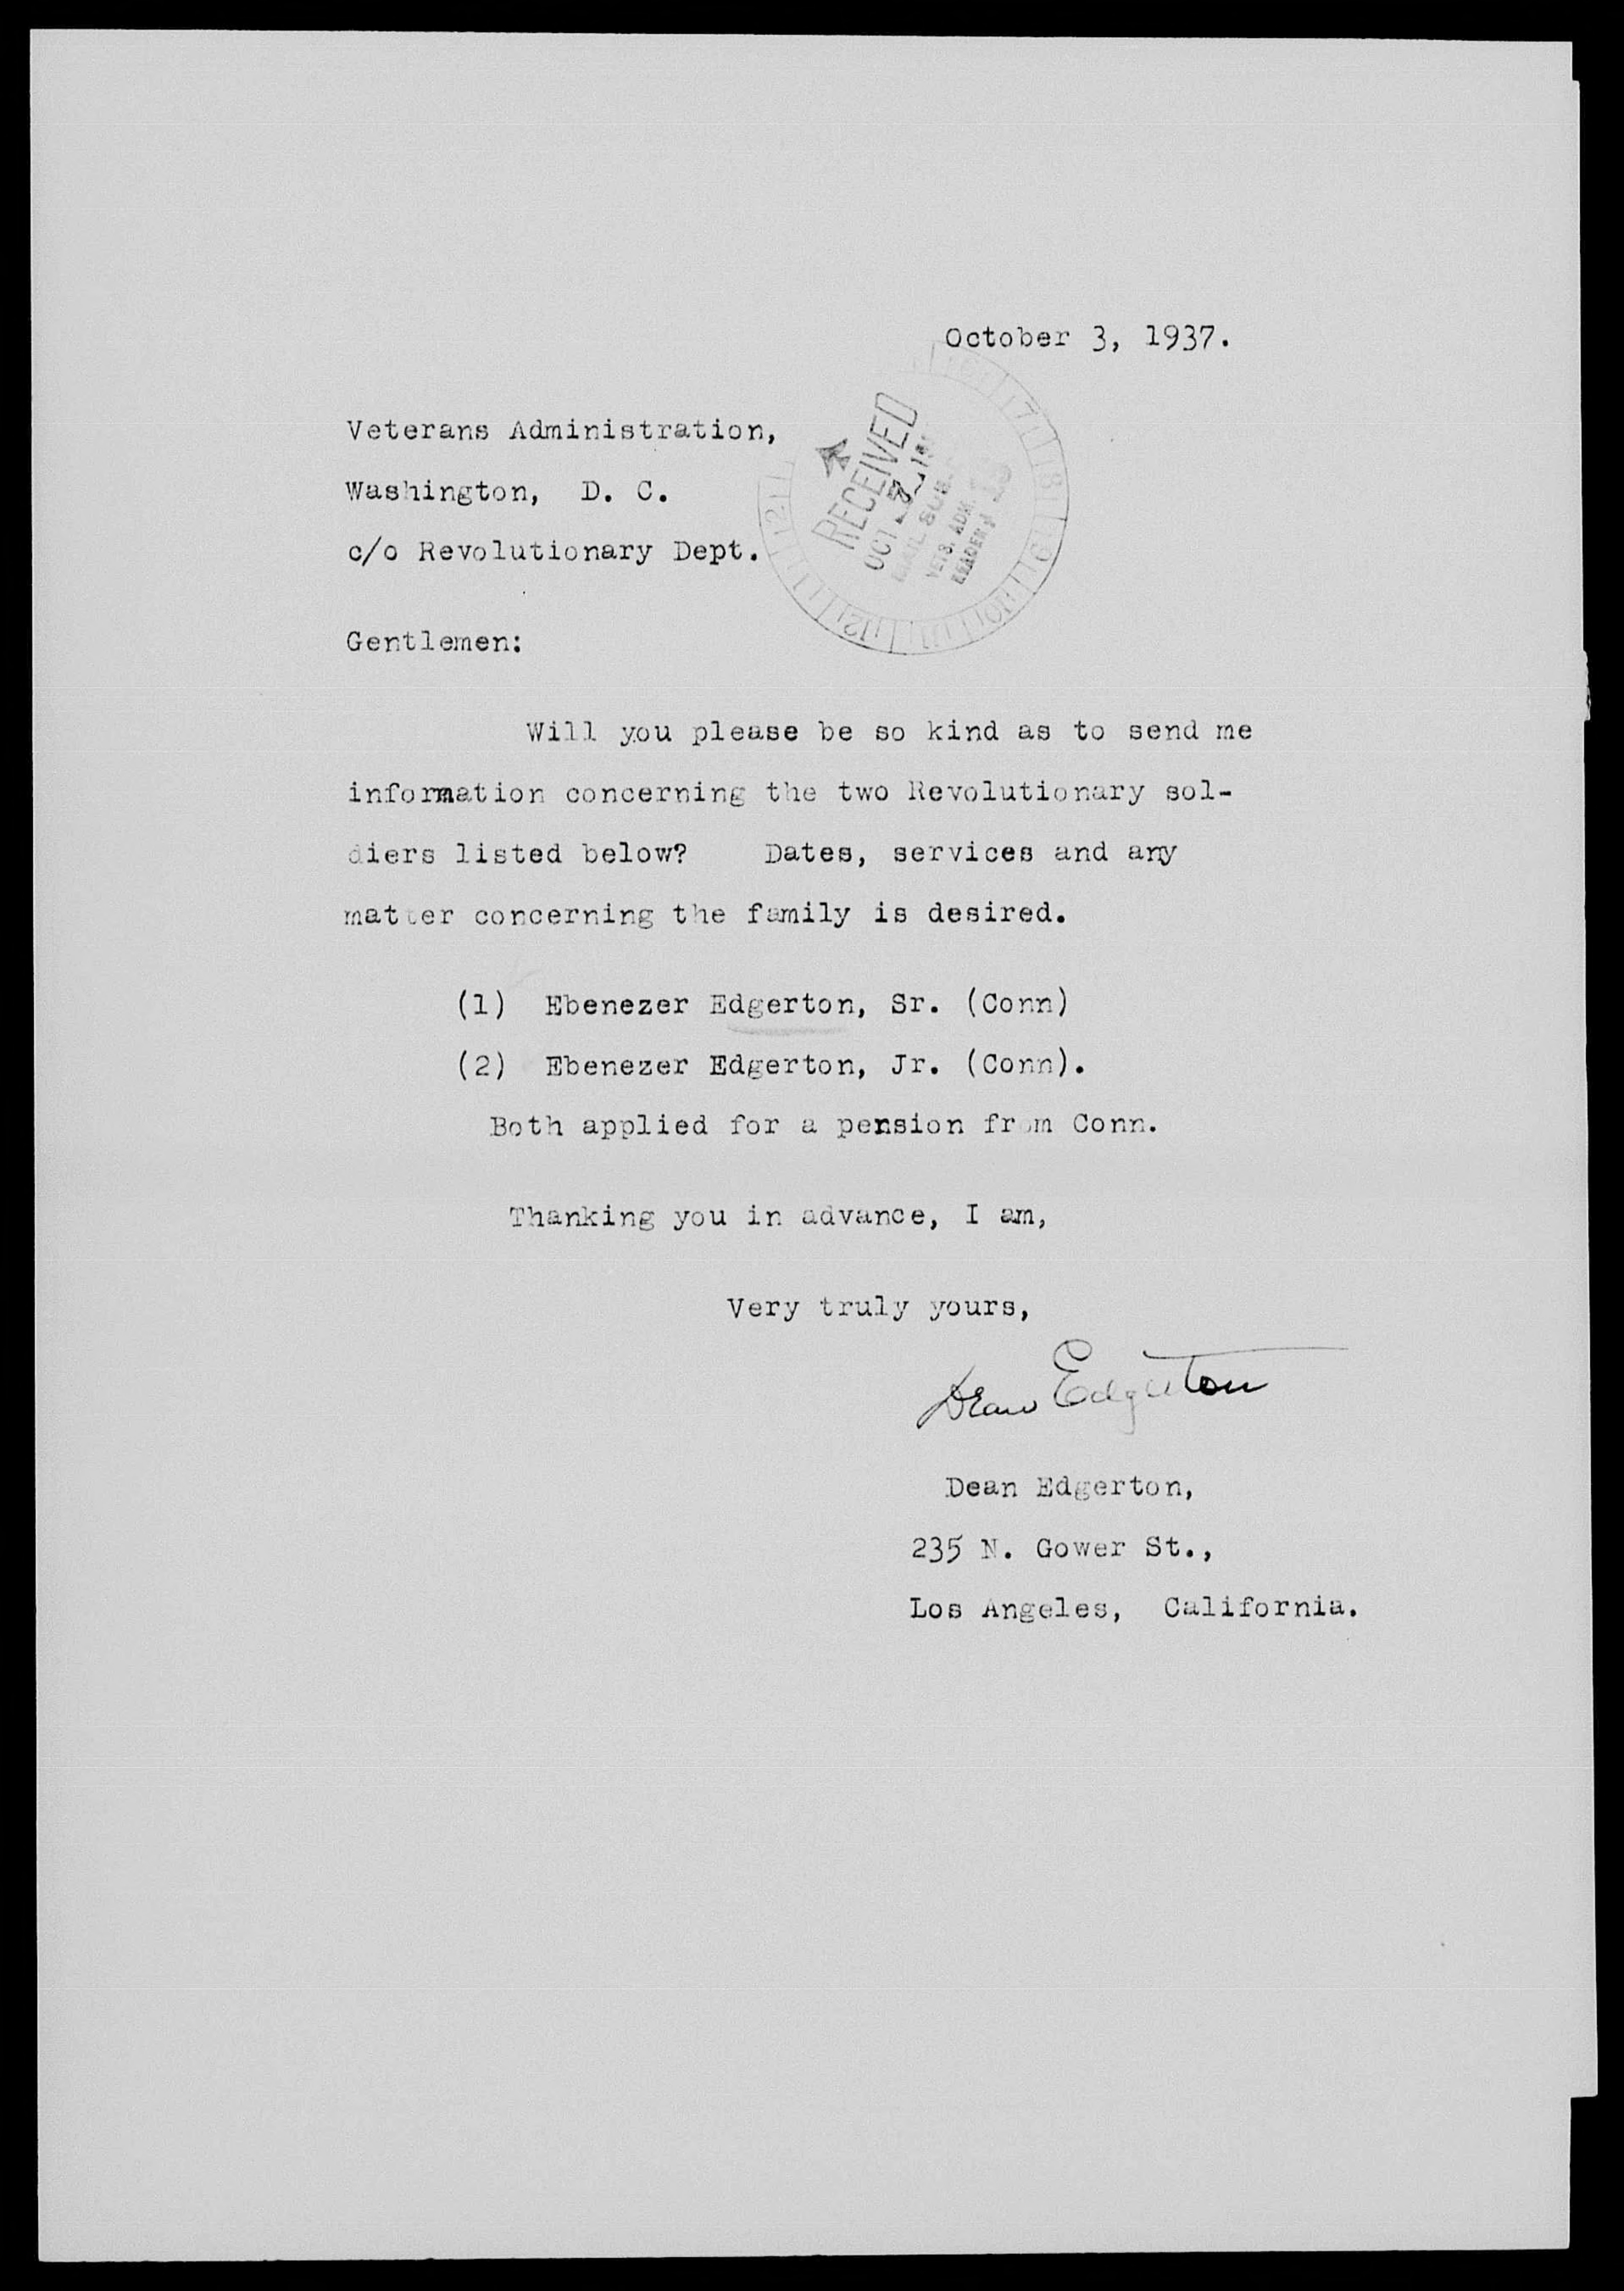October 3, 1937.

Veterans Administration,
Washington, D. C.
c/o Revolutionary Dept.

[Circular Date/Time Stamp:]
RECEIVED
[Points to hour of 3]
OCT  7 [Illegible]
MAIL [Illegible]
VETS. ADM.
[Illegible]

Gentlemen:

Will you please be so kind as to send me information concerning the two Revolutionary soldiers listed below? Dates, services and any matter concerning the family is desired.

(1) Ebenezer Edgerton, Sr. (Conn)
(2) Ebenezer Edgerton, Jr. (Conn).

Both applied for a pension from Conn.

Thanking you in advance, I am,

Very truly yours,

Dean Edgerton,
235 N. Gower St.,
Los Angeles, California.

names: Dean Edgerton, Dean Edgerton, Ebenezer Edgerton, Ebenezer Edgerton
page: 16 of 18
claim: survivor's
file: S. 37,904, Ebenezer Edgerton, [BLANK]